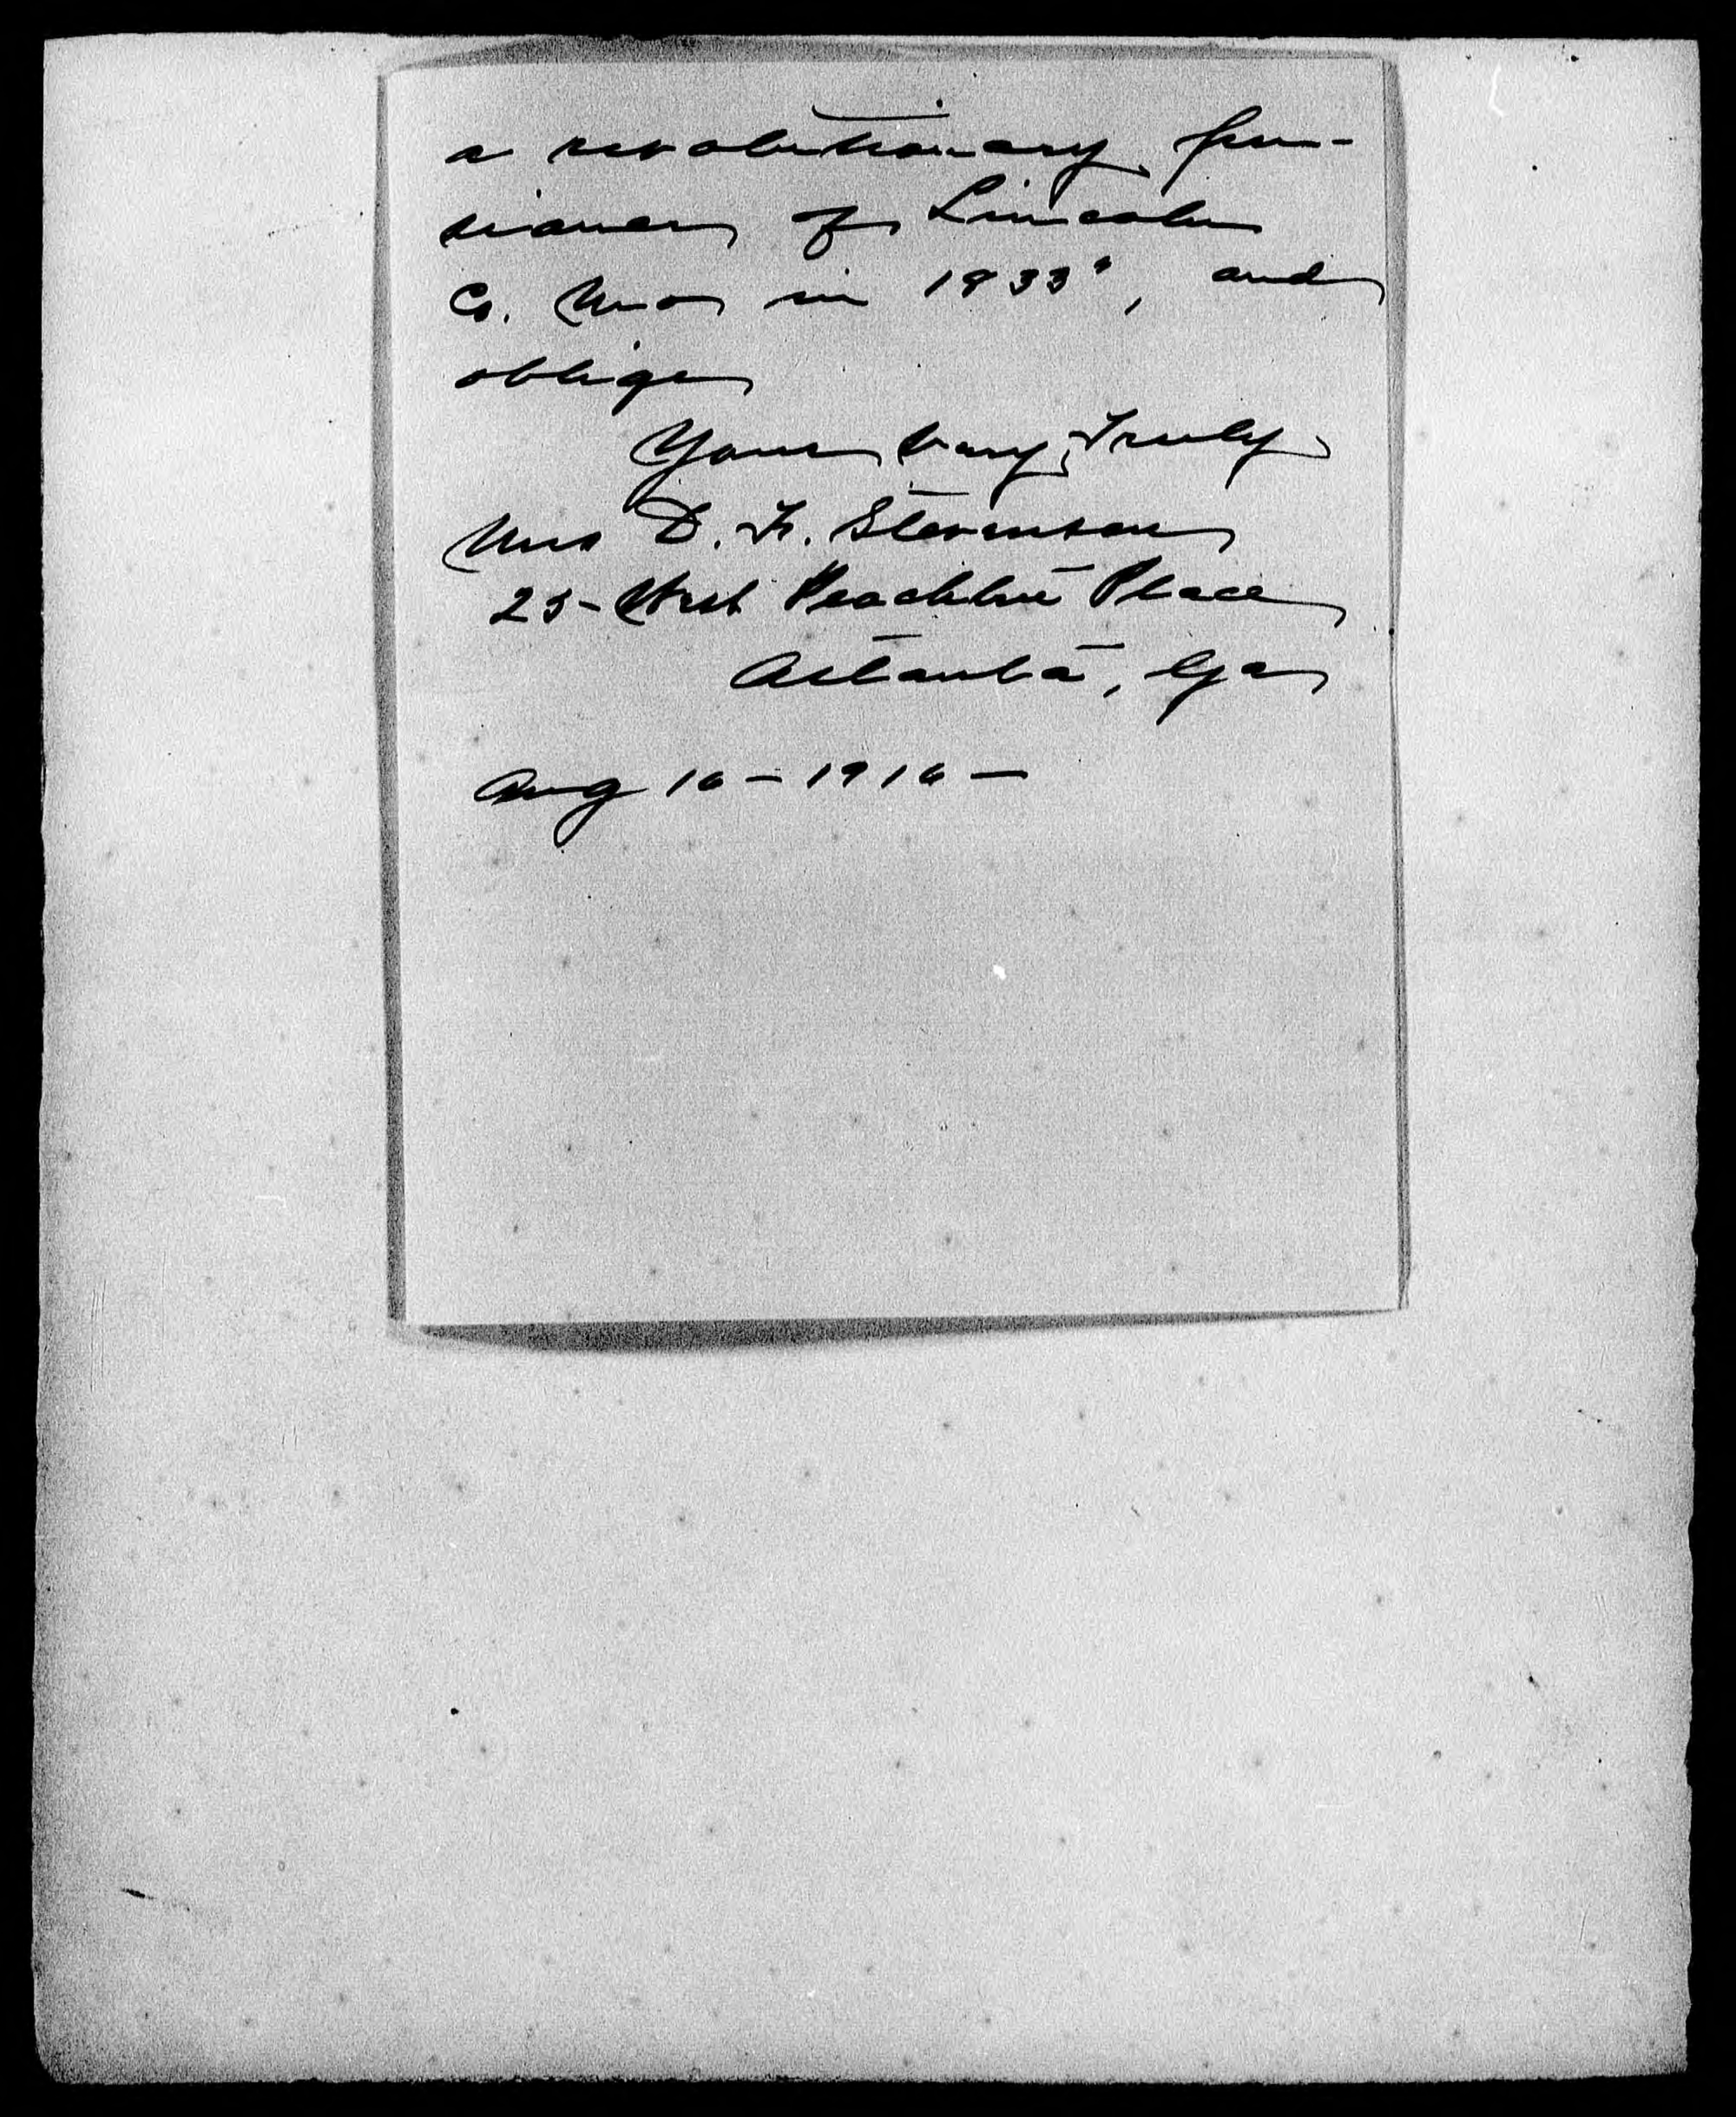a revolutionary pensioner of Lincoln Co. Mo in 1833", and oblige
Yours Very Truly
Mrs D. F. Stevenson
25 West Peachtree Place
Atlanta, Ga
Aug 16 - 1916-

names: D F Stevenson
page: 12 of 26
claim: survivor's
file: S. 16842, Thomas Hampton, Va.